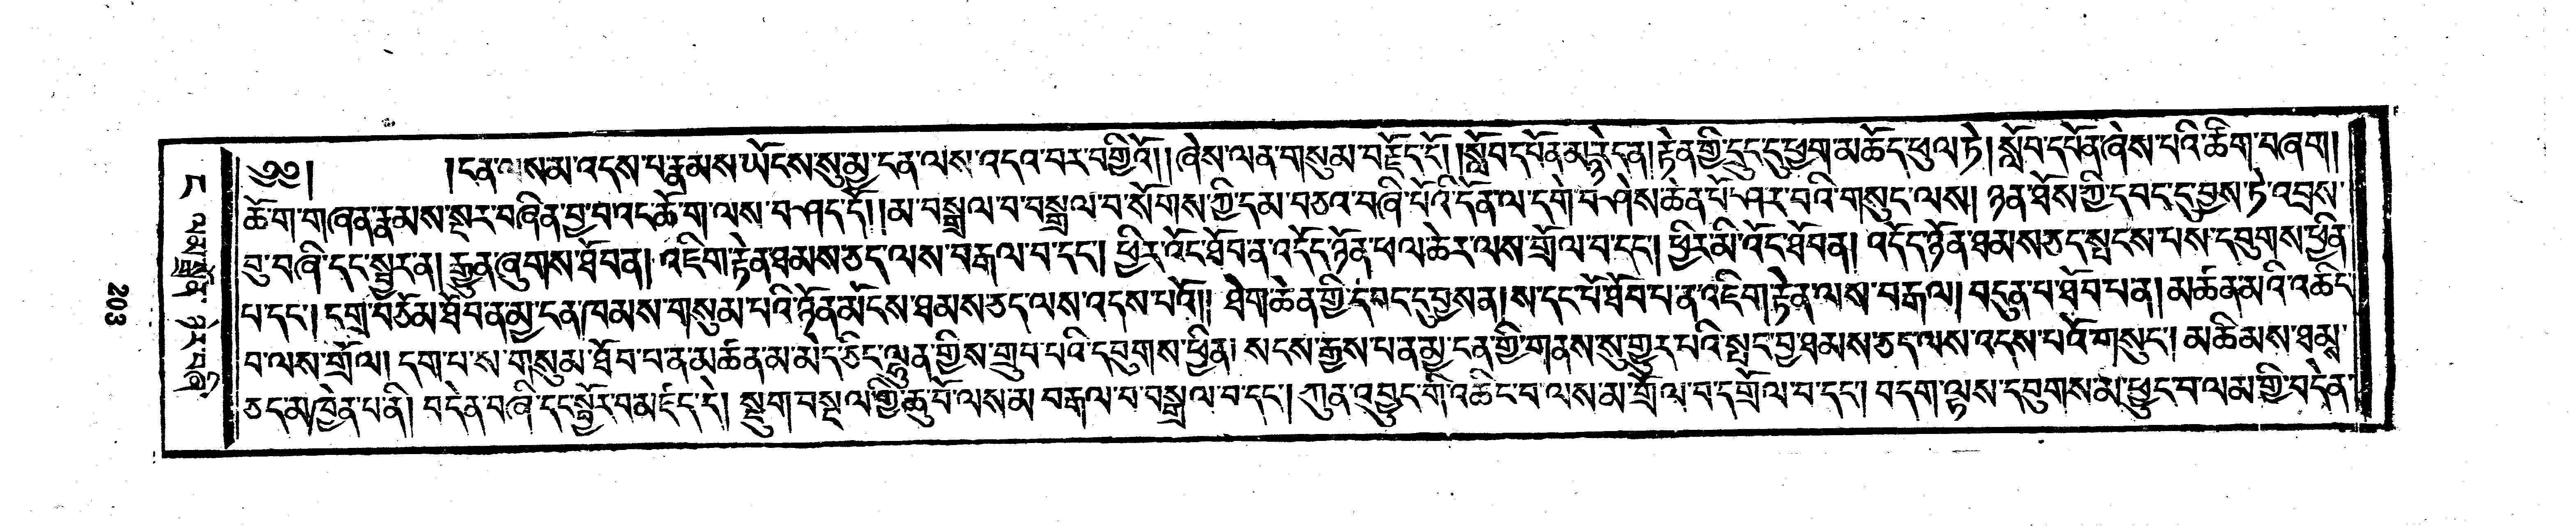༄༅། །ངན་ལས་མ་འདས་པ་རྣམས་ཡོངས་སུ་མྱ་ངན་ལས་འདའ་བར་བགྱིའོ། །ཞེས་ལན་གསུམ་བརྗོད་དོ། སློབ་དཔོན་མ་རྙེད་ན། རྟེན་གྱི་དྲུང་དུ་ཕྱག་མཆོད་ཕུལ་ཏེ། སློབ་དཔོན་ཞེས་པའི་ཚིག་བཞག །
ཆོ་ག་གཞན་རྣམས་སྔར་བཞིན་བྱ་བའང་ཆོ་ག་ལས་བཤད་དོ། །མ་བསྒྲལ་བ་བསྒྲལ་བ་སོགས་ཀྱི་དམ་བཅའ་བཞི་པོའི་དོན་ལ་དགེ་བཤེས་ཆེན་པོ་ཤ་ར་བའི་གསུང་ལས། ཉན་ཐོས་ཀྱི་དབང་དུ་བྱས་ཏེ་འབྲས་
བུ་བཞི་དང་སྦྱར་ན། རྒྱུན་ཞུགས་ཐོབ་ན། འཇིག་རྟེན་ཐམས་ཅད་ལས་བརྒལ་བ་དང་། ཕྱིར་འོང་ཐོབ་ན་འདོད་ཉོན་ཕལ་ཆེར་ལས་གྲོལ་བ་དང་། ཕྱིར་མི་འོང་ཐོབ་ན། འདོད་ཉོན་ཐམས་ཅད་སྤངས་པས་དབུགས་ཕྱིན་
པ་དང་། དགྲ་བཅོམ་ཐོབ་ན་མྱ་ངན་ཁམས་གསུམ་པའི་ཉོན་མོངས་ཐམས་ཅད་ལས་འདས་པའོ། །ཐེག་ཆེན་གྱི་དབང་དུ་བྱས་ན། ས་དང་པོ་ཐོབ་པ་ན་འཇིག་རྟེན་ལས་བརྒལ། བདུན་པ་ཐོབ་པ་ན། མཚན་མའི་འཆིང་
བ་ལས་གྲོལ། དག་པ་ས་གསུམ་ཐོབ་པ་ན་མཚན་མ་མེད་ཅིང་ལྷུན་གྱིས་གྲུབ་པའི་དབུགས་ཕྱིན། སངས་རྒྱས་པ་ན་མྱ་ངན་གྱི་གནས་སུ་གྱུར་པའི་སྤང་བྱ་ཐམས་ཅད་ལས་འདས་པའོ་གསུང་། མཆིམས་ཐམས་
ཅད་མཁྱེན་པ་ནི། བདེན་བཞི་དང་སྦྱོར་བ་མཛད་དེ། སྡུག་བསྔལ་གྱི་ཆུ་བོ་ལས་མ་བརྒལ་བ་བསྒྲོལ་བ་དང་། ཀུན་འབྱུང་གི་འཆིང་བ་ལས་མ་གྲོལ་བ་དགྲོལ་བ་དང་། བདག་ལྷས་དབུགས་མ་ཕྱུང་བ་ལམ་གྱི་བདེན་